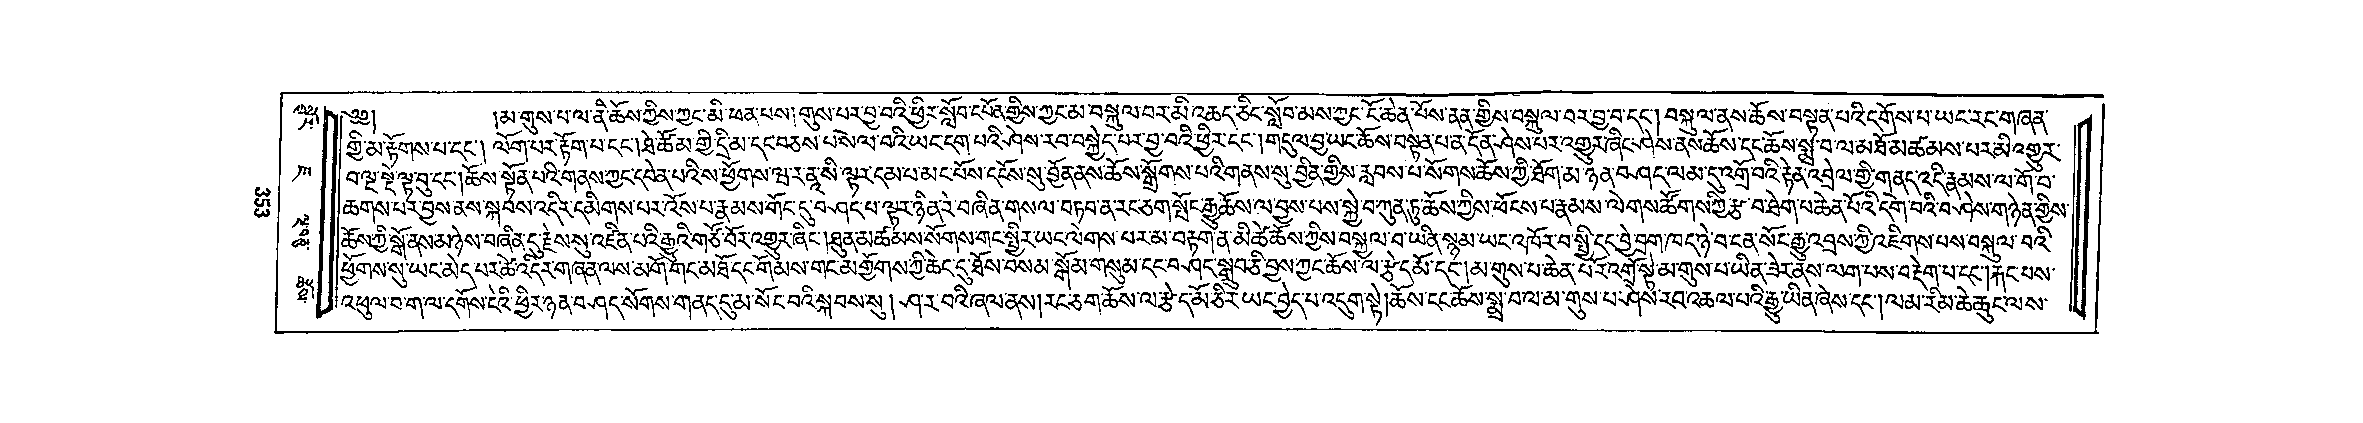༄༅། །མ་གུས་པ་ལ་ནི་ཆོས་ཀྱིས་ཀྱང་མི་ཕན་པས། གུས་པར་བྱ་བའི་ཕྱིར་སློབ་དཔོན་གྱིས་ཀྱང་མ་བསྐུལ་བར་མི་འཆད་ཅིང་སློབ་མས་ཀྱང་ངོ་ཆེན་པོས་ནན་གྱིས་བསྐུལ་བར་བྱ་བ་དང་། བསྐུལ་ནས་ཆོས་བསྟན་པའི་དགོས་པ་ཡང་རང་གཞན་
གྱི་མ་རྟོགས་པ་དང་། ལོག་པར་རྟོག་པ་དང་། ཐེ་ཚོམ་གྱི་དྲི་མ་དང་བཅས་པ་སེལ་བའི་ཡང་དག་པའི་ཤེས་རབ་བསྐྱེད་པར་བྱ་བའི་ཕྱིར་དང་། གདུལ་བྱ་ཡང་ཆོས་བསྟན་པ་ན་དོན་ཤེས་པར་འགྱུར་ཞིང་ཤེས་ནས་ཆོས་དང་ཆོས་སྨྲ་བ་ལ་མཐོ་མཚམས་པར་མི་འགྱུར་
བ་ལྔ་སྡེ་ལྟ་བུ་དང་། ཆོས་སྟོན་པའི་གནས་ཀྱང་དབེན་པའི་ས་ཕྱོགས་ཝ་ར་ནཱ་སི་ལྟར་དམ་པ་མང་པོས་དངོས་སུ་བྱོན་ནས་ཆོས་སྒྲོགས་པའི་གནས་སུ་བྱིན་གྱིས་རླབས་པ་སོགས་ཆོས་ཀྱི་ཐོག་མ་ཉན་བཤད་ལམ་དུ་འགྲོ་བའི་རྟེན་འབྲེལ་གྱི་གནད་འདི་རྣམས་ལ་གོ་བ་
ཆགས་པར་བྱས་ནས་སྐབས་འདིར་དམིགས་པར་འོས་པ་རྣམས་གོང་དུ་བཤད་པ་ལྟར་ཉིན་རེ་བཞིན་གསལ་བཏབ་ན་རང་ཅག་སྤོང་རྒྱུ་ཆོས་ལ་བྱས་པས་སྐྱེ་བ་ཀུན་ཏུ་ཆོས་ཀྱིས་ཕོངས་པ་རྣམས་ལེགས་ཚོགས་ཀྱི་རྩ་བ་ཐེག་པ་ཆེན་པོའི་དགེ་བའི་བཤེས་གཉེན་གྱིས་
ཆོས་ཀྱི་སྒོ་ནས་མཉེས་བཞིན་དུ་རྗེས་སུ་འཛིན་པའི་རྒྱུའི་གཙོ་བོར་འགྱུར་ཞིང་། ཐུན་མཚམས་སོགས་གང་སྤྱིར་ཡང་ལེགས་པར་མ་བརྟག་ན་མི་ཚེ་ཆོས་ཀྱིས་བསྐྱལ་བ་ཡིན་སྙམ་ཡང་འཁོར་བ་སྤྱི་དང་བྱེ་བྲག་ཁད་ཉེ་བ་ངན་སོང་རྒྱུ་འབྲས་ཀྱི་འཇིགས་པས་བསྐུལ་བའི་
ཕྱོགས་སུ་ཡང་མེད་པར་ཚེ་འདིར་གཞན་ལས་མགོ་གང་མཐོ་དང་གོམས་གང་མགྱོགས་ཀྱི་ཆེད་དུ་ཐོས་བསམ་སྒོམ་གསུམ་དང་བཤད་སྒྲུབ་ཅི་བྱས་ཀྱང་ཆོས་ལ་རྩེད་མོ་དང་། མ་གུས་པ་ཆེན་པོར་འགྲོ་སྟེ་མ་གུས་པ་ཡིན་ཟེར་ནས་ལག་པས་བརྡེག་པ་དང་། རྐང་པས་
འཕུལ་བ་ག་ལ་དགོས་དེའི་ཕྱིར་ཉན་བཤད་སོགས་གནད་དུ་མ་སོང་བའི་སྐབས་སུ། ཤ་ར་བའི་ཞལ་ནས། རང་ཅག་ཆོས་ལ་རྩེད་མོ་ཅིར་ཡང་བྱེད་པ་འདུག་སྟེ། ཆོས་དང་ཆོས་སྨྲ་བ་ལ་མ་གུས་པ་ཤེས་རབ་འཆལ་པའི་རྒྱུ་ཡིན་ཞེས་དང་། ལམ་རིམ་ཆེ་ཆུང་ལས་